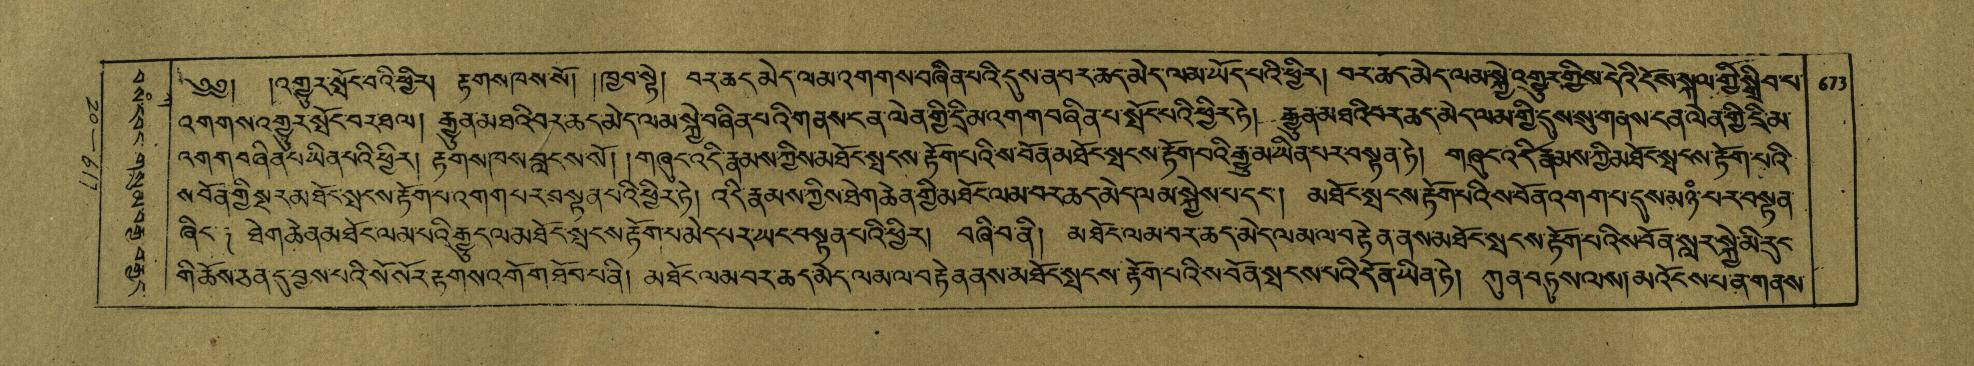༄༅། །འགྱུར་སྤོང་བའི་ཕྱིར། རྟགས་ཁས་སོ། །ཁྱབ་སྟེ། བར་ཆད་མེད་ལམ་འགགས་བཞིན་པའི་དུས་ན་བར་ཆད་མེད་ལམ་ཡོད་པའི་ཕྱིར། བར་ཆད་མེད་ལམ་སྐྱེ་འགྱུར་གྱིས་དེའི་ངོས་སྐལ་གྱི་སྒྲིབ་པ་
འགགས་འགྱུར་སྤོང་བར་ཐལ། རྒྱུན་མཐའི་བར་ཆད་མེད་ལམ་སྐྱེ་བཞིན་པའི་གནས་ངན་ལེན་གྱི་དྲི་མ་འགག་བཞིན་པ་སྤོང་པའི་ཕྱིར་ཏེ། རྒྱུན་མཐའི་བར་ཆད་མེད་ལམ་གྱི་དུས་སུ་གནས་ངན་ལེན་གྱི་དྲི་མ་
འགག་བཞིན་པ་ཡིན་པའི་ཕྱིར། རྟགས་ཁས་བླངས་སོ། །གཞུང་འདི་རྣམས་ཀྱིས་མཐོང་སྤངས་རྟོག་པའི་ས་བོན་མཐོང་སྤངས་རྟོག་པའི་རྒྱུ་མ་ཡིན་པར་བསྟན་ཏེ། གཞུང་འདི་རྣམས་ཀྱི་མཐོང་སྤངས་རྟོག་པའི་
ས་བོན་གྱི་སྔར་མཐོང་སྤངས་རྟོག་པ་འགག་པར་བསྟན་པའི་ཕྱིར་ཏེ། འདི་རྣམས་ཀྱིས་ཐེག་ཆེན་གྱི་མཐོང་ལམ་བར་ཆད་མེད་ལམ་སྐྱེས་པ་དང་། མཐོང་སྤངས་རྟོག་པའི་ས་བོན་འགག་པ་དུས་མཉཾ་པར་བསྟན་
ཞིང༑ ཐེག་ཆེན་མཐོང་ལམ་པའི་རྒྱུད་ལ་མཐོང་སྤངས་རྟོག་པ་མེད་པར་ཡང་བསྟན་པའི་ཕྱིར། བཞི་བ་ནི། མཐོང་ལམ་བར་ཆད་མེད་ལམ་ལ་བརྟེན་ནས་མཐོང་སྤངས་རྟོག་པའི་ས་བོན་སླར་སྐྱེ་མི་རུང་
གི་ཆོས་ཅན་དུ་བྱས་པའི་སོ་སོར་རྟགས་འགོག་ཐོབ་པ་ནི། མཐོང་ལམ་བར་ཆད་མེད་ལམ་ལ་བརྟེན་ནས་མཐོང་སྤངས་རྟོག་པའི་ས་བོན་སྤངས་པའི་དོན་ཡིན་ཏེ། ཀུན་བཏུས་ལས། མའོངས་པ་ན་གནས་